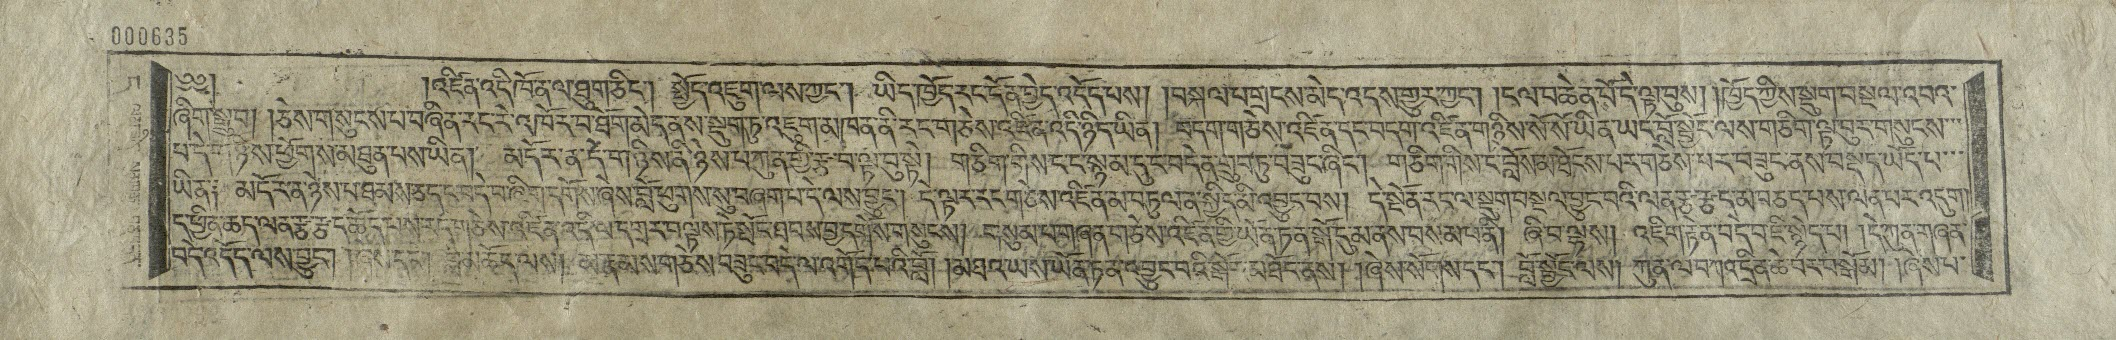༄༅། །འཛིན་འདི་ཁོ་ན་ལ་ཐུག་ཅིང་། སྤྱོད་འཇུག་ལས་ཀྱང་། ཡིད་ཁྱོད་རང་དོན་བྱེད་འདོད་པས། །བསྐལ་པ་གྲངས་མེད་འདས་གྱུར་ཀྱང་། །ངལ་བ་ཆེན་པོ་དེ་ལྟ་བུས། །ཁྱོད་ཀྱིས་སྡུག་བསྔལ་འབའ་
ཞིག་སྒྲུབ། །ཅེས་གསུངས་པ་བཞིན་རང་རེ་འཁོར་བ་ཐོག་མེད་ནས་སྡུག་ཏུ་འཇུག་མཁན་ནི་རང་གཅེས་འཛིན་འདི་ཉིད་ཡིན། བདག་གཅེས་འཛིན་དང་བདག་འཛིན་གཉིས་སོ་སོ་ཡིན་ཡང་བློ་སྦྱོང་ལས་གཅིག་ལྟ་བུར་གསུངས་
པ་དེ་གཉིས་ཕྱོགས་མཐུན་པས་ཡིན། མདོར་ན་དེ་གཉིས་ནི་ཉེས་པ་ཀུན་གྱི་རྩ་བ་ལྟ་བུ་སྟེ། གཅིག་གིས་ང་ང་སྙམ་དུ་ང་བདེན་གྲུབ་ཏུ་བཟུང་ཞིང་། གཅིག་གིས་ང་བློས་མ་ཐོངས་པར་གཅེས་པར་བཟུང་ནས་བསྡད་ཡོད་པ་
ཡིན༑ མདོར་ན་ཉེས་པ་ཐམས་ཅད་ང་བདེ་བ་ཞིག་དགོས་ཞེས་བློ་ཕུགས་སུ་བཞག་པ་དེ་ལས་བྱུང་། དེ་ལྟར་རང་གཅེས་འཛིན་མ་བཏུལ་ན་སྐྱིད་མི་འབྱུང་བས། དེ་སྔོན་རང་ལ་སྡུག་བསྔལ་བྱུང་བའི་ལན་རྩ་རྩད་མ་བཅད་པས་ལན་པར་འདུག།
ད་ཕྱིན་ཆད་ལན་རྩ་རྩད་ཆོད་པས་རང་གཅེས་འཛིན་འདི་ལ་དགྲར་བལྟས་ཏེ་སྤོང་ཐབས་བྱ་དགོས་གསུངས། གསུམ་པ་གཞན་གཅེས་འཛིན་གྱི་ཡོན་ཏན་སྒོ་དུ་མ་ནས་བསམ་པ་ནི། ཞི་བ་ལྷས། འཇིག་རྟེན་བདེ་བ་ཇི་སྙེད་པ། །དེ་ཀུན་གཞན་
བདེ་འདོད་ལས་བྱུང་། །ཞེས་དང་། བླ་མཆོད་ལས། མ་རྣམས་གཅེས་བཟུང་བདེ་ལ་འགོད་པའི་བློ། །མཐའ་ཡས་ཡོན་ཏན་འབྱུང་བའི་སྒོར་མཐོང་ནས། །ཞེས་སོགས་དང་། བློ་སྦྱོང་ལས། ཀུན་ལ་བཀའ་དྲིན་ཆེ་བར་བསྒོམ། །ཞེས་པ་